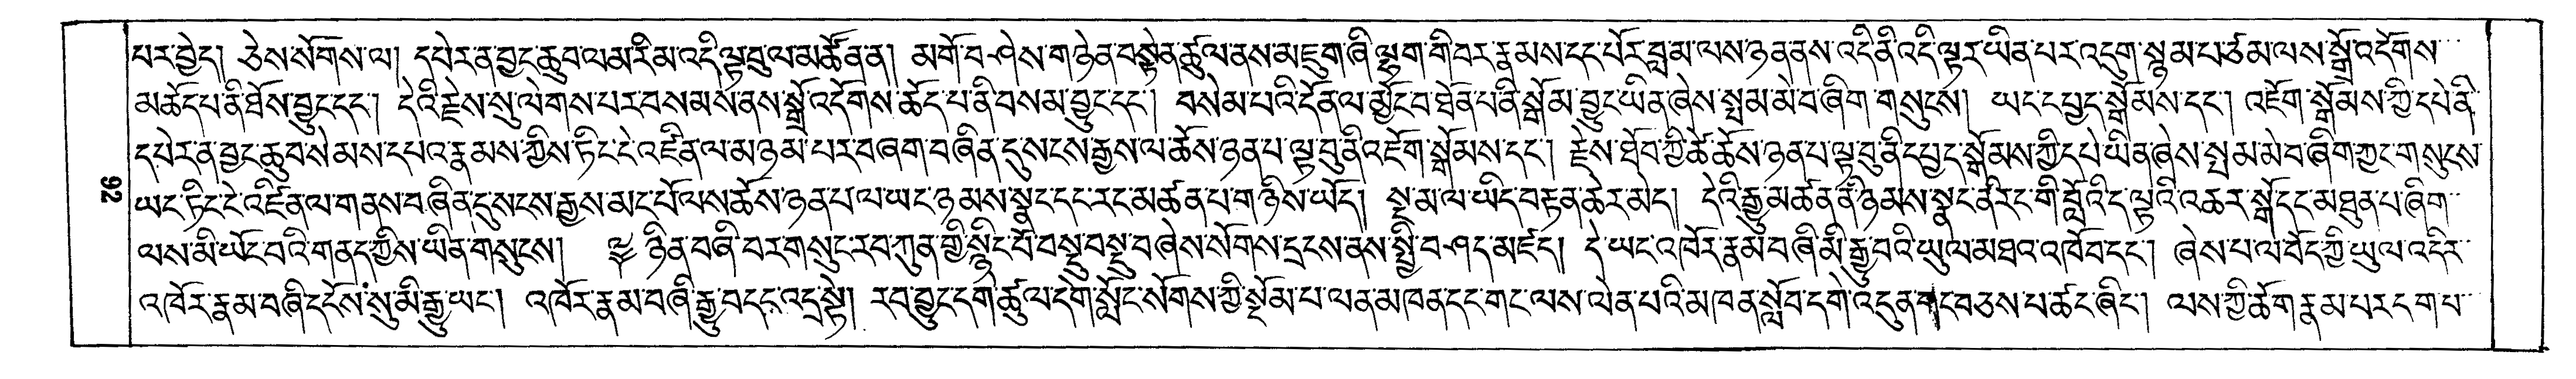པར་བྱེད། ཅེས་སོགས་ལ། དཔེར་ན་བྱང་ཆུབ་ལམ་རིམ་འདི་ལྟ་བུ་ལ་མཚོན་ན། མགོ་བ་ཤེས་གཉེན་པ་བསྟེན་ཚུལ་ནས་མཇུག་ཞི་ལྷག་གི་བར་རྣམས་དང་པོར་བླ་མ་ལས་ཉན་ནས་འདི་ནི་འདི་ལྟར་ཡིན་པར་འདུག་སྙམ་པ་ཙམ་ལས་སྒྲོ་འདོགས་
མཆོད་པ་ནི་ཐོས་བྱུང་དང་། དེའི་རྗེས་སུ་ལེགས་པར་བསམས་ནས་སྒྲོ་འདོགས་ཆོད་པ་ནི་བསམ་བྱུང་དང་། བསམ་པའི་དོན་ལ་མྱོང་བ་ཐོན་པ་ནི་སྒོམ་བྱུང་ཡིན་ཞེས་བསམ་མེ་བ་ཞིག་གསུངས། ཡང་དཔྱད་སྒོམས་དང་། འཇོག་སྒོམས་ཀྱི་དཔེ་ནི་
དཔེར་ན་བྱང་ཆུབ་སེམས་དཔའ་རྣམས་ཀྱིས་ཏིང་ངེ་འཛིན་ལ་མཉམ་པར་བཞག་བཞིན་དུ་སངས་རྒྱས་ལ་ཆོས་ཉན་པ་ལྟ་བུ་ནི་འཇོག་སྒོམས་དང་། རྗེས་ཐོབ་ཀྱི་ཚེ་ཆོས་ཉན་པ་ལྟ་བུ་ནི་དཔྱད་སྒོམས་ཀྱི་དཔེ་ཡིན་ཞེས་སྤམ་མེ་བ་ཞིག་ཀྱང་གསུངས་
ཡང་ཏིང་ངེ་འཛིན་ལ་གནས་བཞིན་དུ་སངས་རྒྱས་མང་པོ་ལས་ཆོས་ཉན་པ་ལ་ཡང་ཉམས་སྣང་དང་རང་མཚན་པ་གཉིས་ཡོད། སྔ་མ་ལ་ཡིད་བརྟན་ཆེར་མེད། དེའི་རྒྱུ་མཚན་ནི་ཉམས་སྣང་ནི་རང་གི་བློའི་ད་ལྟའི་འཆར་སྒོ་དང་མཐུན་པ་ཞིག་
ལས་མི་ཡོང་བའི་གནད་ཀྱིས་ཡིན་གསུངས། ༈ ཉིན་བཞི་པར་གསུང་རབ་ཀུན་གྱི་སྙིང་པོ་བསྡུ་བསྡུ་བ་ཞེས་སོགས་དྲངས་ནས་སྤྱི་བཤད་མཛད། དེ་ཡང་འཁོར་རྣམ་བཞི་མི་རྒྱུ་བའི་ཡུལ་མཐའ་འཁོབ་དང་། ཞེས་པ་ལ་བོད་ཀྱི་ཡུལ་འདིར་
འཁོར་རྣམ་བཞི་དངོས་སུ་མི་རྒྱུ་ཡང་། འཁོར་རྣམ་བཞི་རྒྱུ་བ་དང་འདྲ་སྟེ། རབ་བྱུང་དག་ཚུལ་དགེ་སློང་སོགས་ཀྱི་སྡོམ་པ་ལེན་མཁན་དང་གང་ལས་ལེན་པའི་མཁན་སློབ་དགེ་འདུན་དང་བཅས་པ་ཚང་ཞིང་། ལས་ཀྱི་ཆོག་རྣམ་པར་དག་པ་